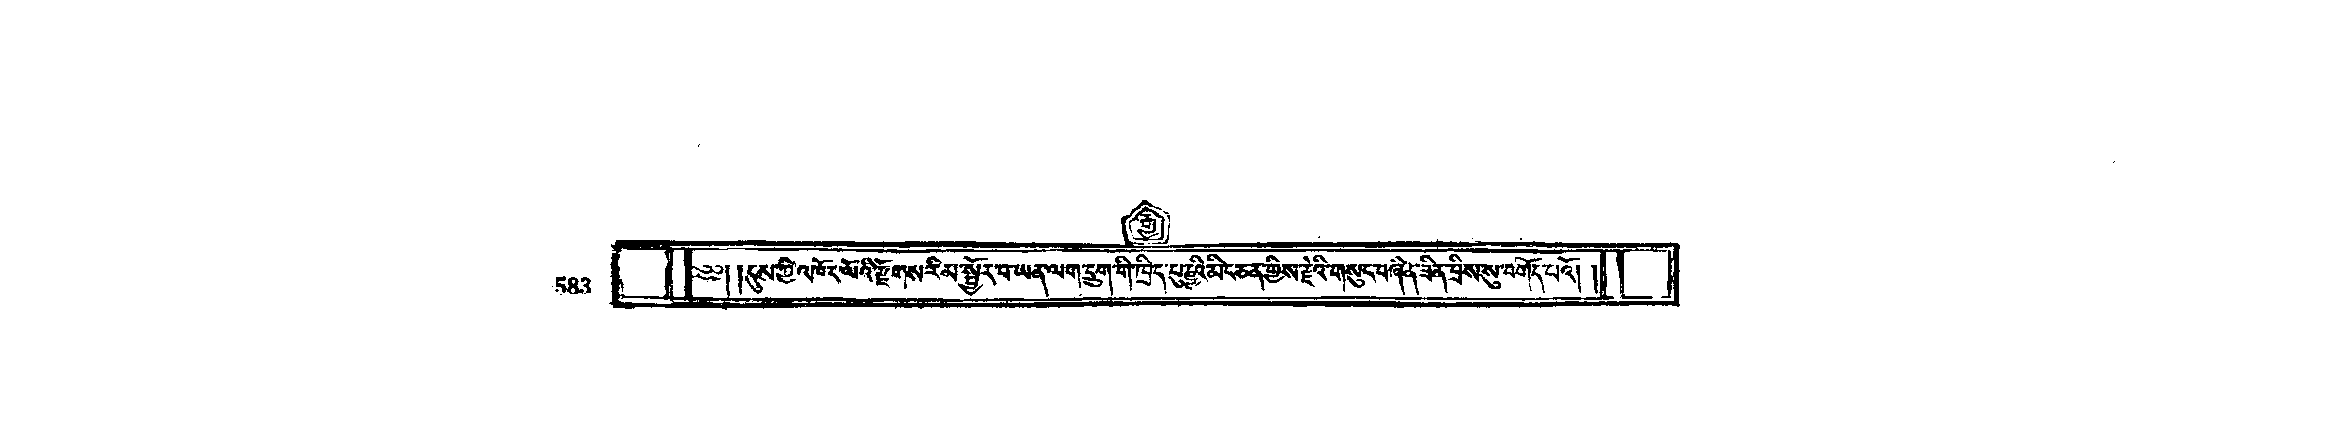༄༅། །དུས་ཀྱི་འཁོར་ལོའི་རྫོགས་རིམ་སྦྱོར་བ་ཡན་ལག་དྲུག་གི་ཁྲིད་པུཎྱའི་མིང་ཅན་གྱིས་རྗེའི་གསུང་བཞིན་ཟིན་བྲིས་སུ་བཀོད་པའོ། །